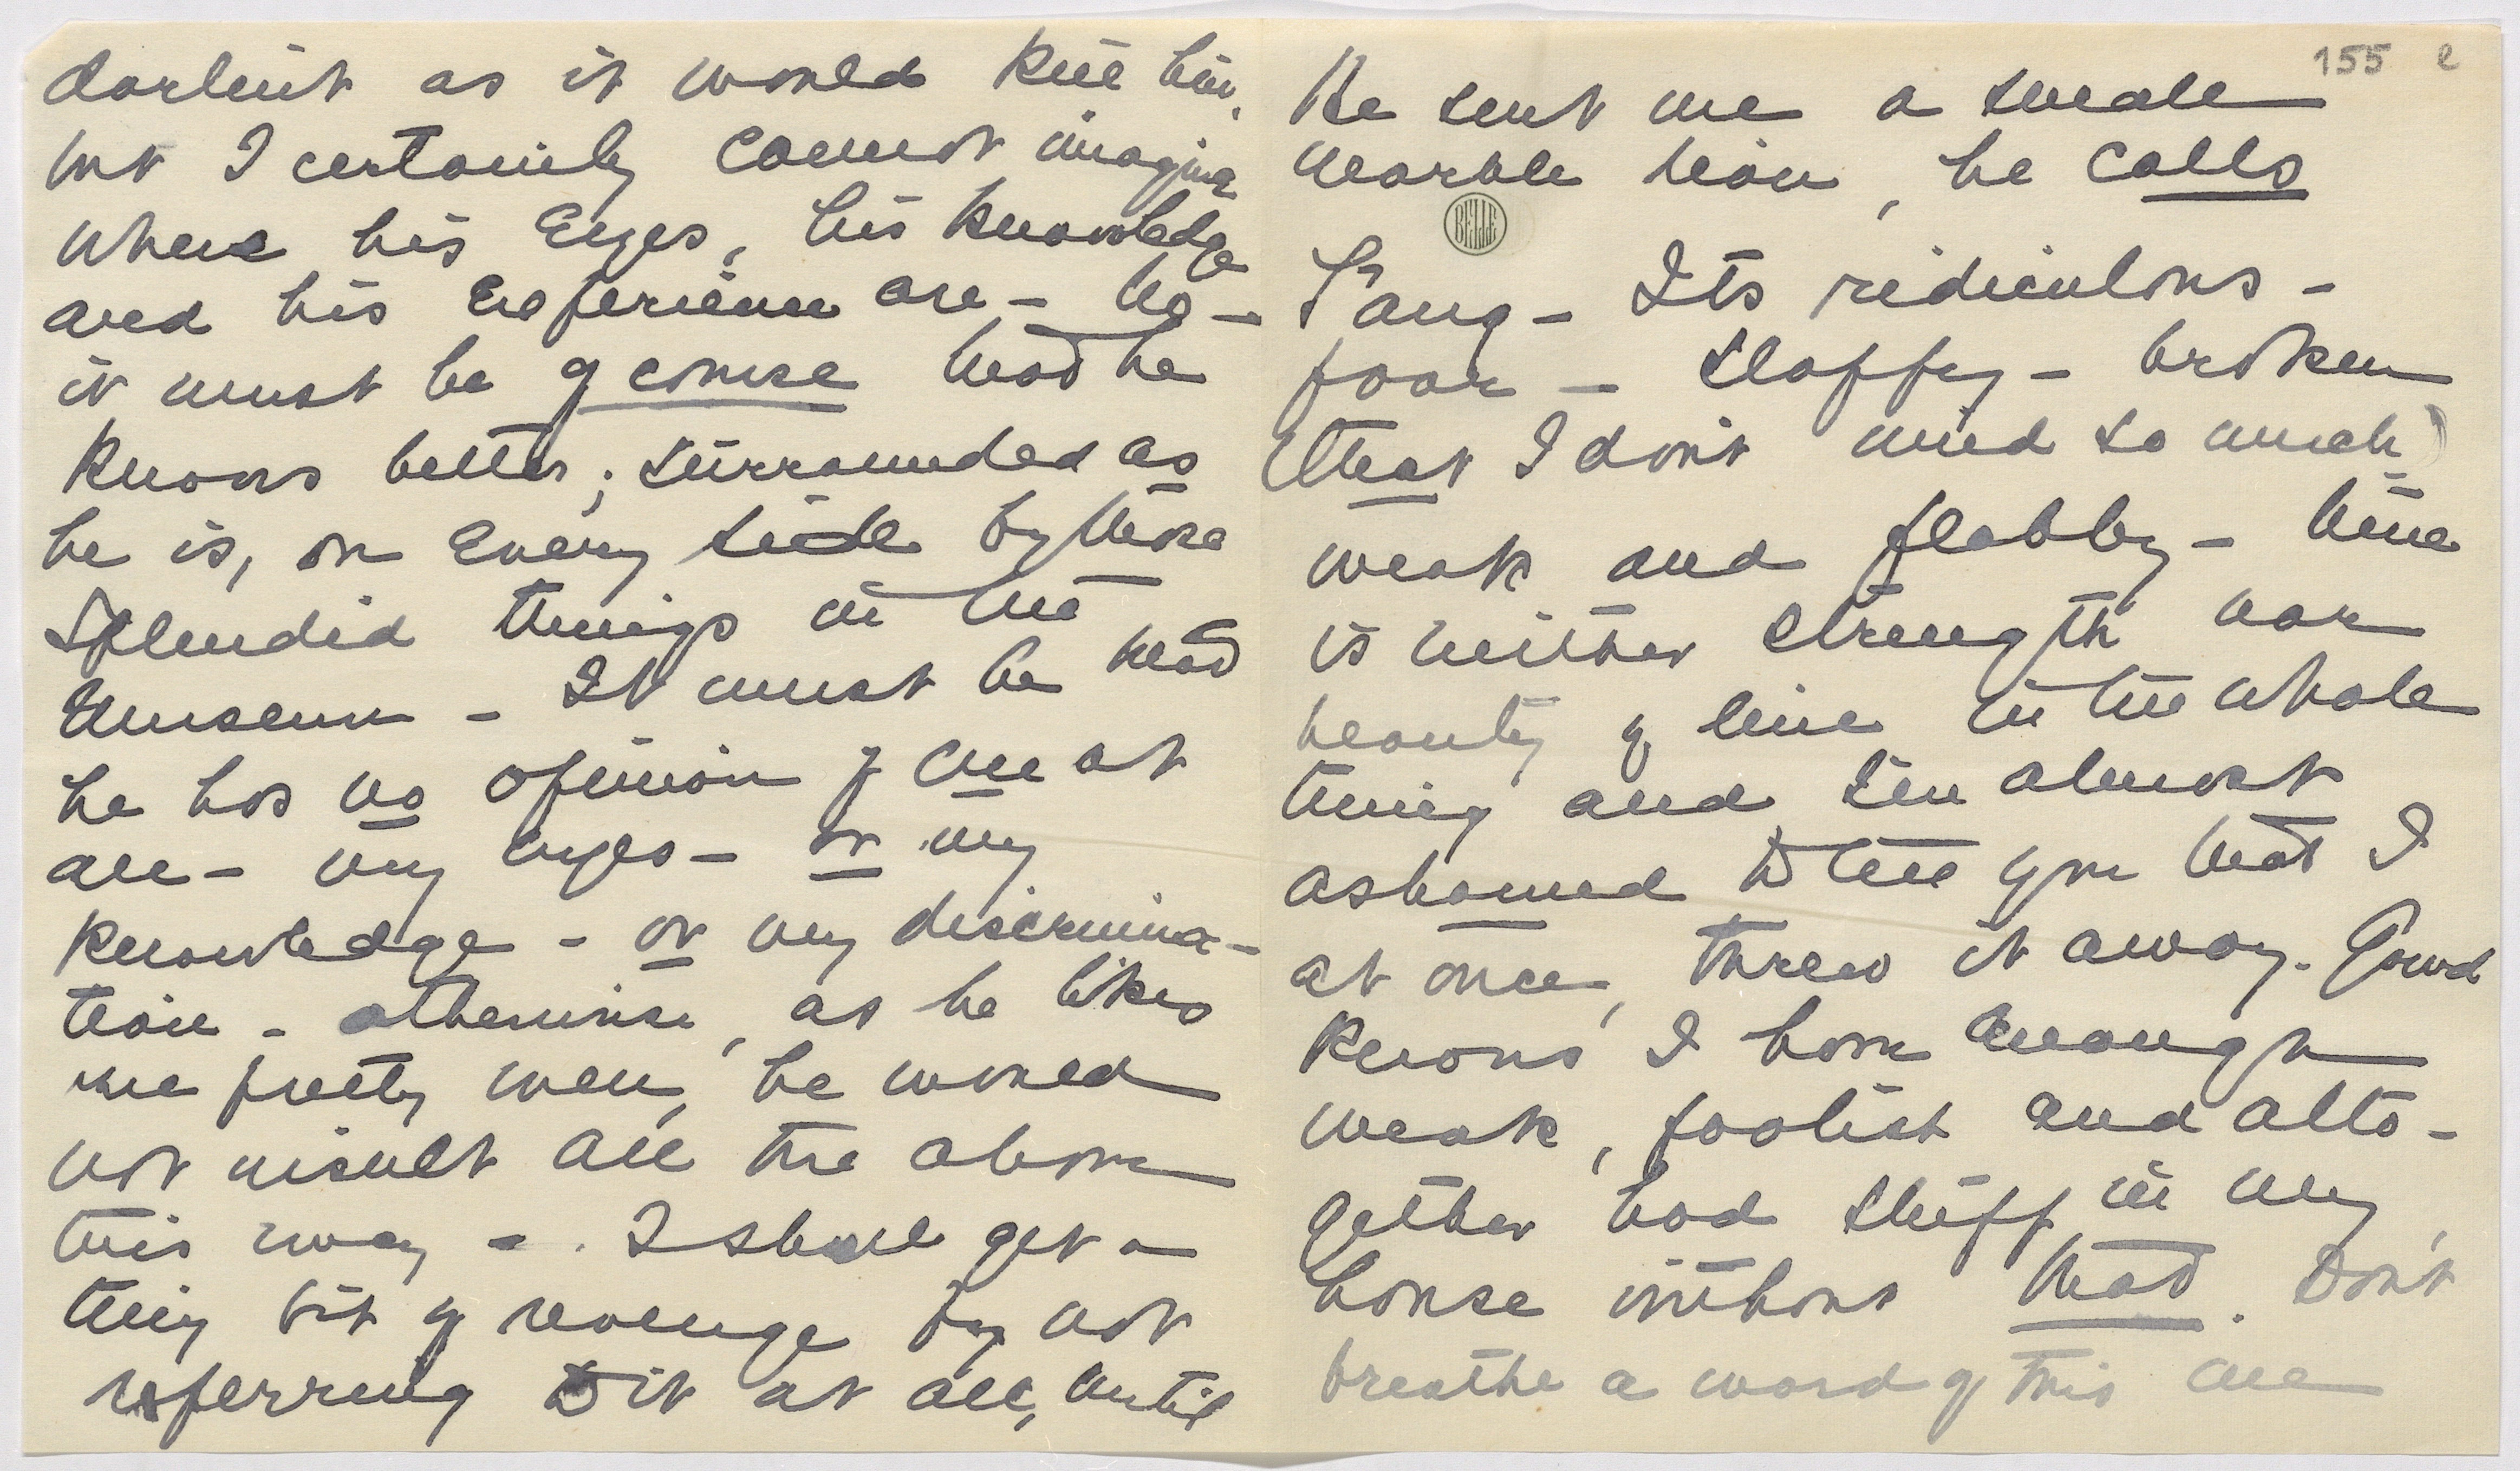He sent me a small marble lion, he calls T’ang – Its [sic] ridiculous – poor – sloppy – broken (that I don’t mind so much) weak and flabby – there is neither strength nor beauty of line in the whole thing and I’m almost ashamed to tell you that I at once, threw it away – Gawd knows I have enough weak, foolish and altogether bad stuff in my house without that. Don’t breathe a word of this me
darlint as it would kill him, but I certainly cannot imagine where his eyes, his knowledge and his experience are – No – it must be of course that he knows better; surrounded as he is, on every side by those splendid things in the Museum – It must be that he has no opinion of me at all – my eyes – or my knowledge – or my discrimination – otherwise, as he likes me pretty well, he would not insult all the above this way – I shall get a tiny bit of revenge for not referring to it at all, until